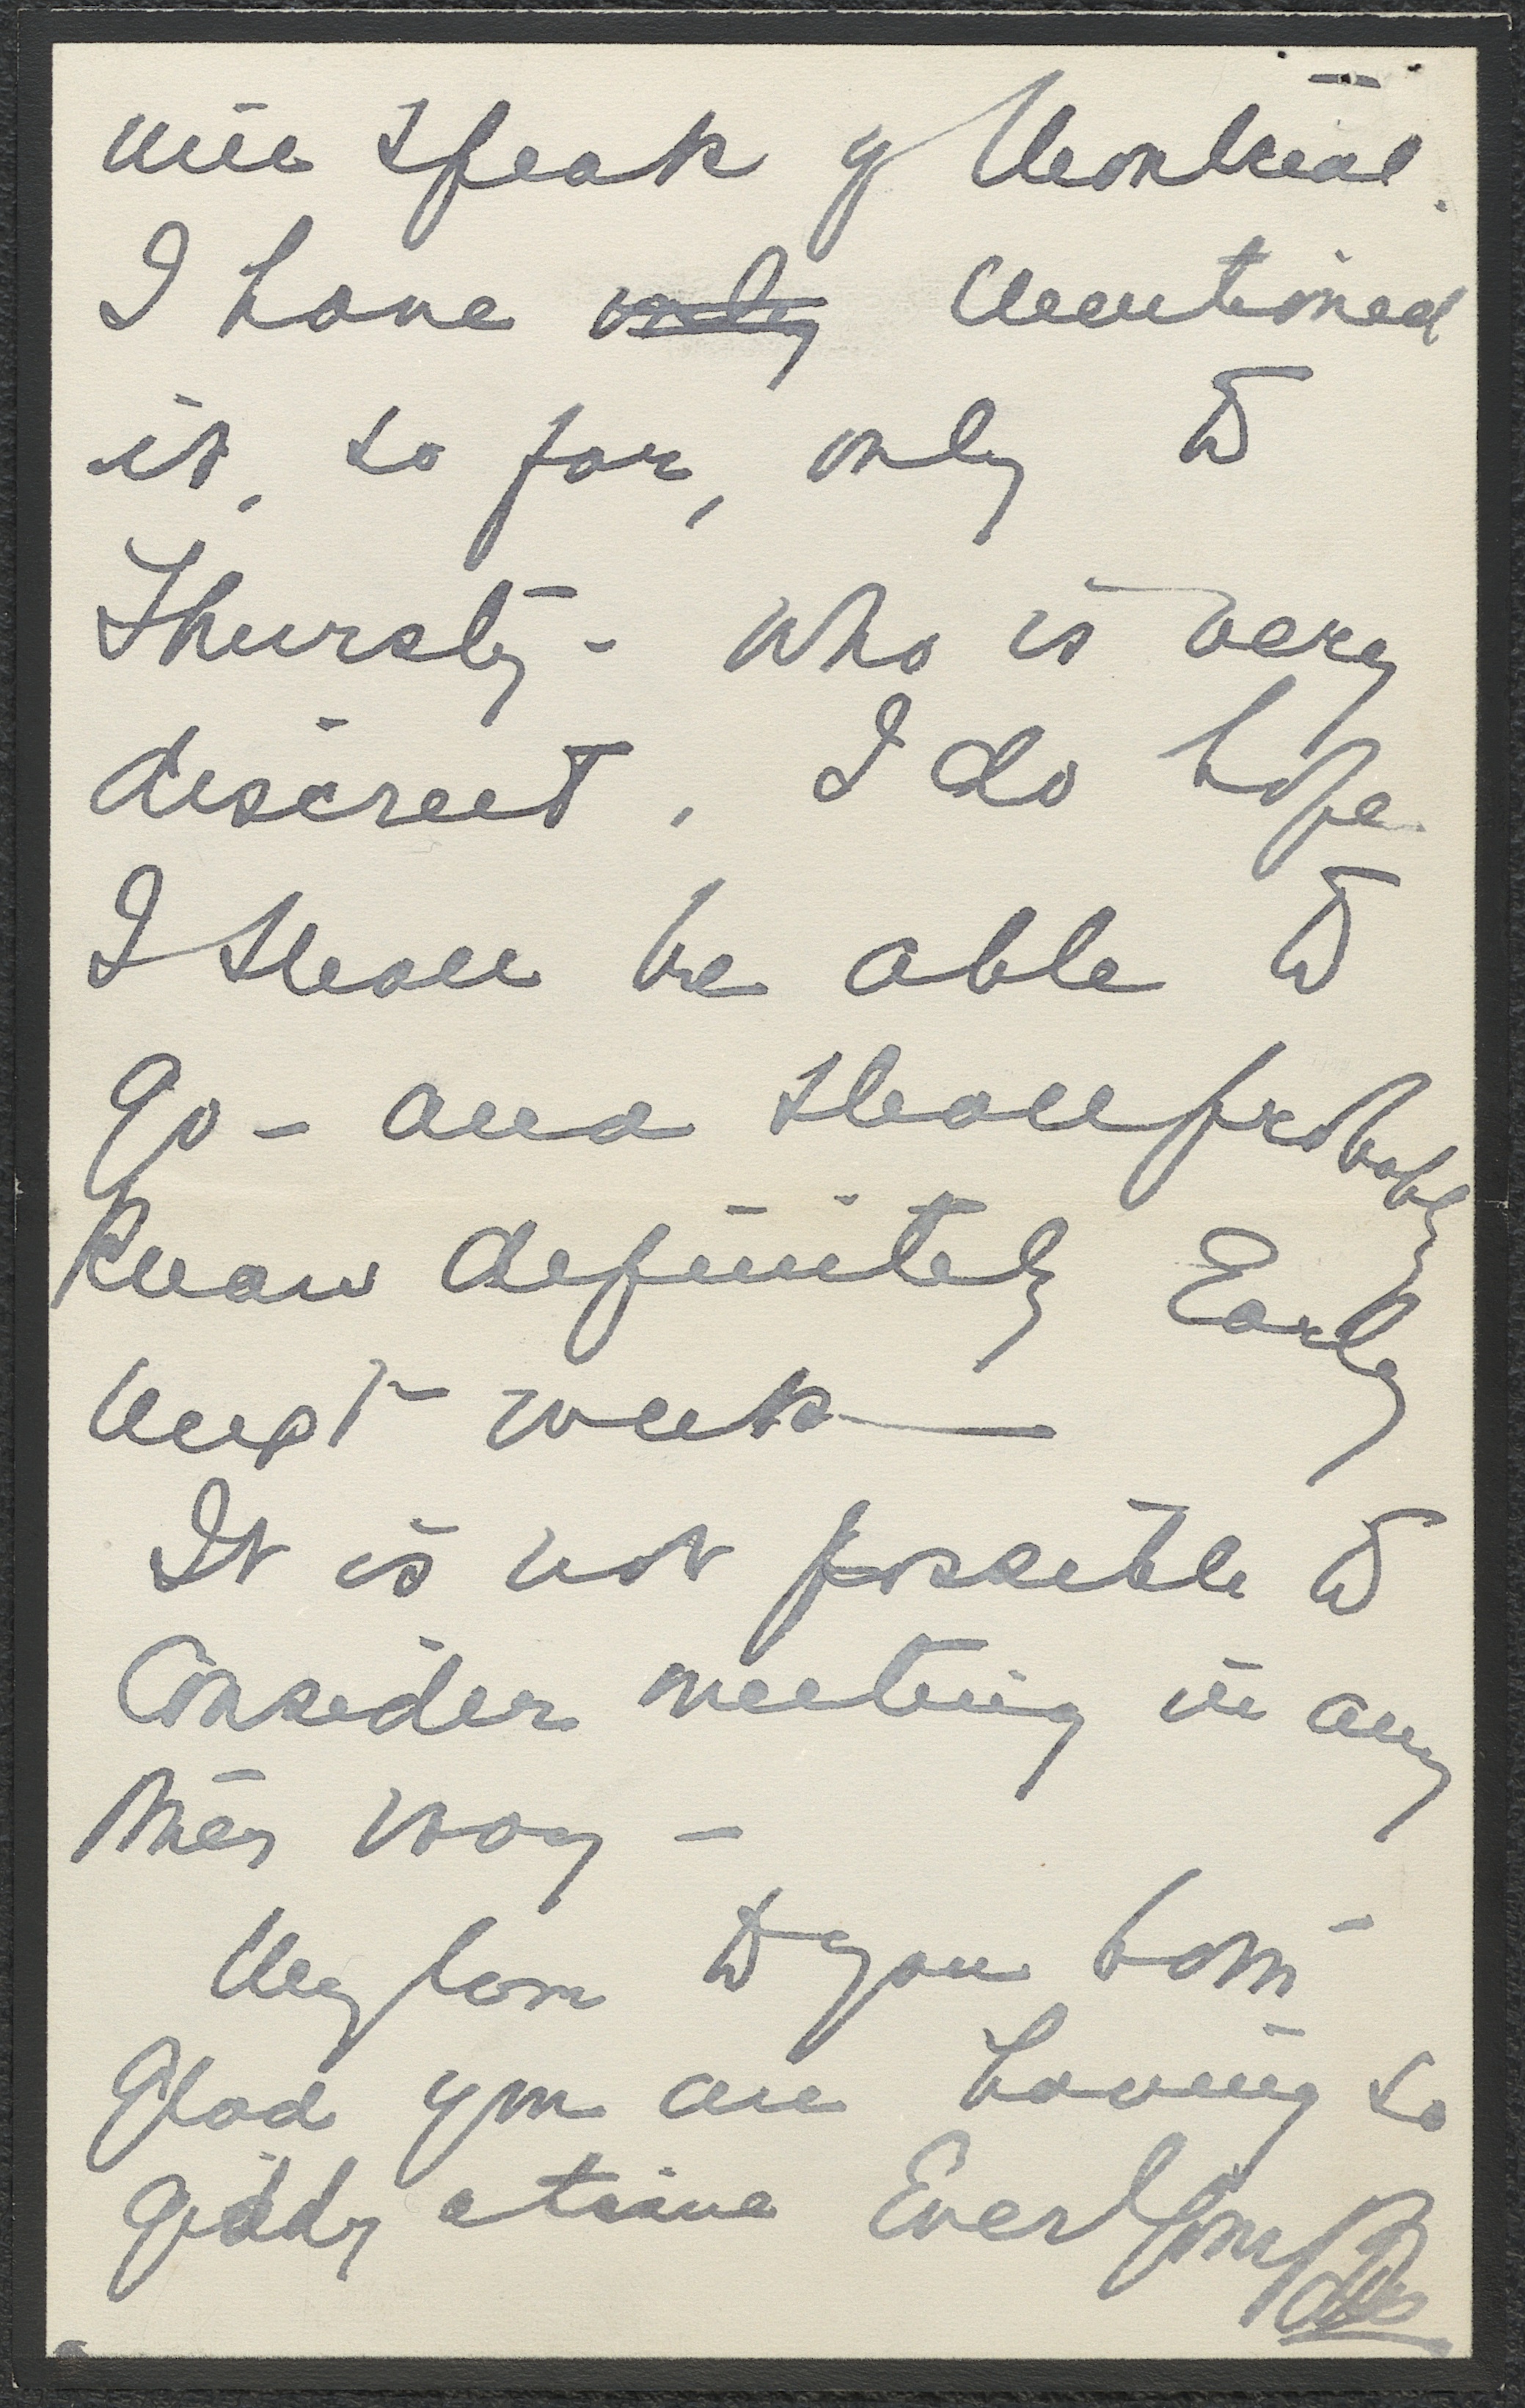will speak of Montreal. I have only mentioned it, so far, only to Thursty – who is very discreet, I do hope I shall be able to go – and shall probably know definitely early next week –
It is not possible to consider meeting in any other way –
My love to you both glad you are having so giddy a time Ever Your Belle